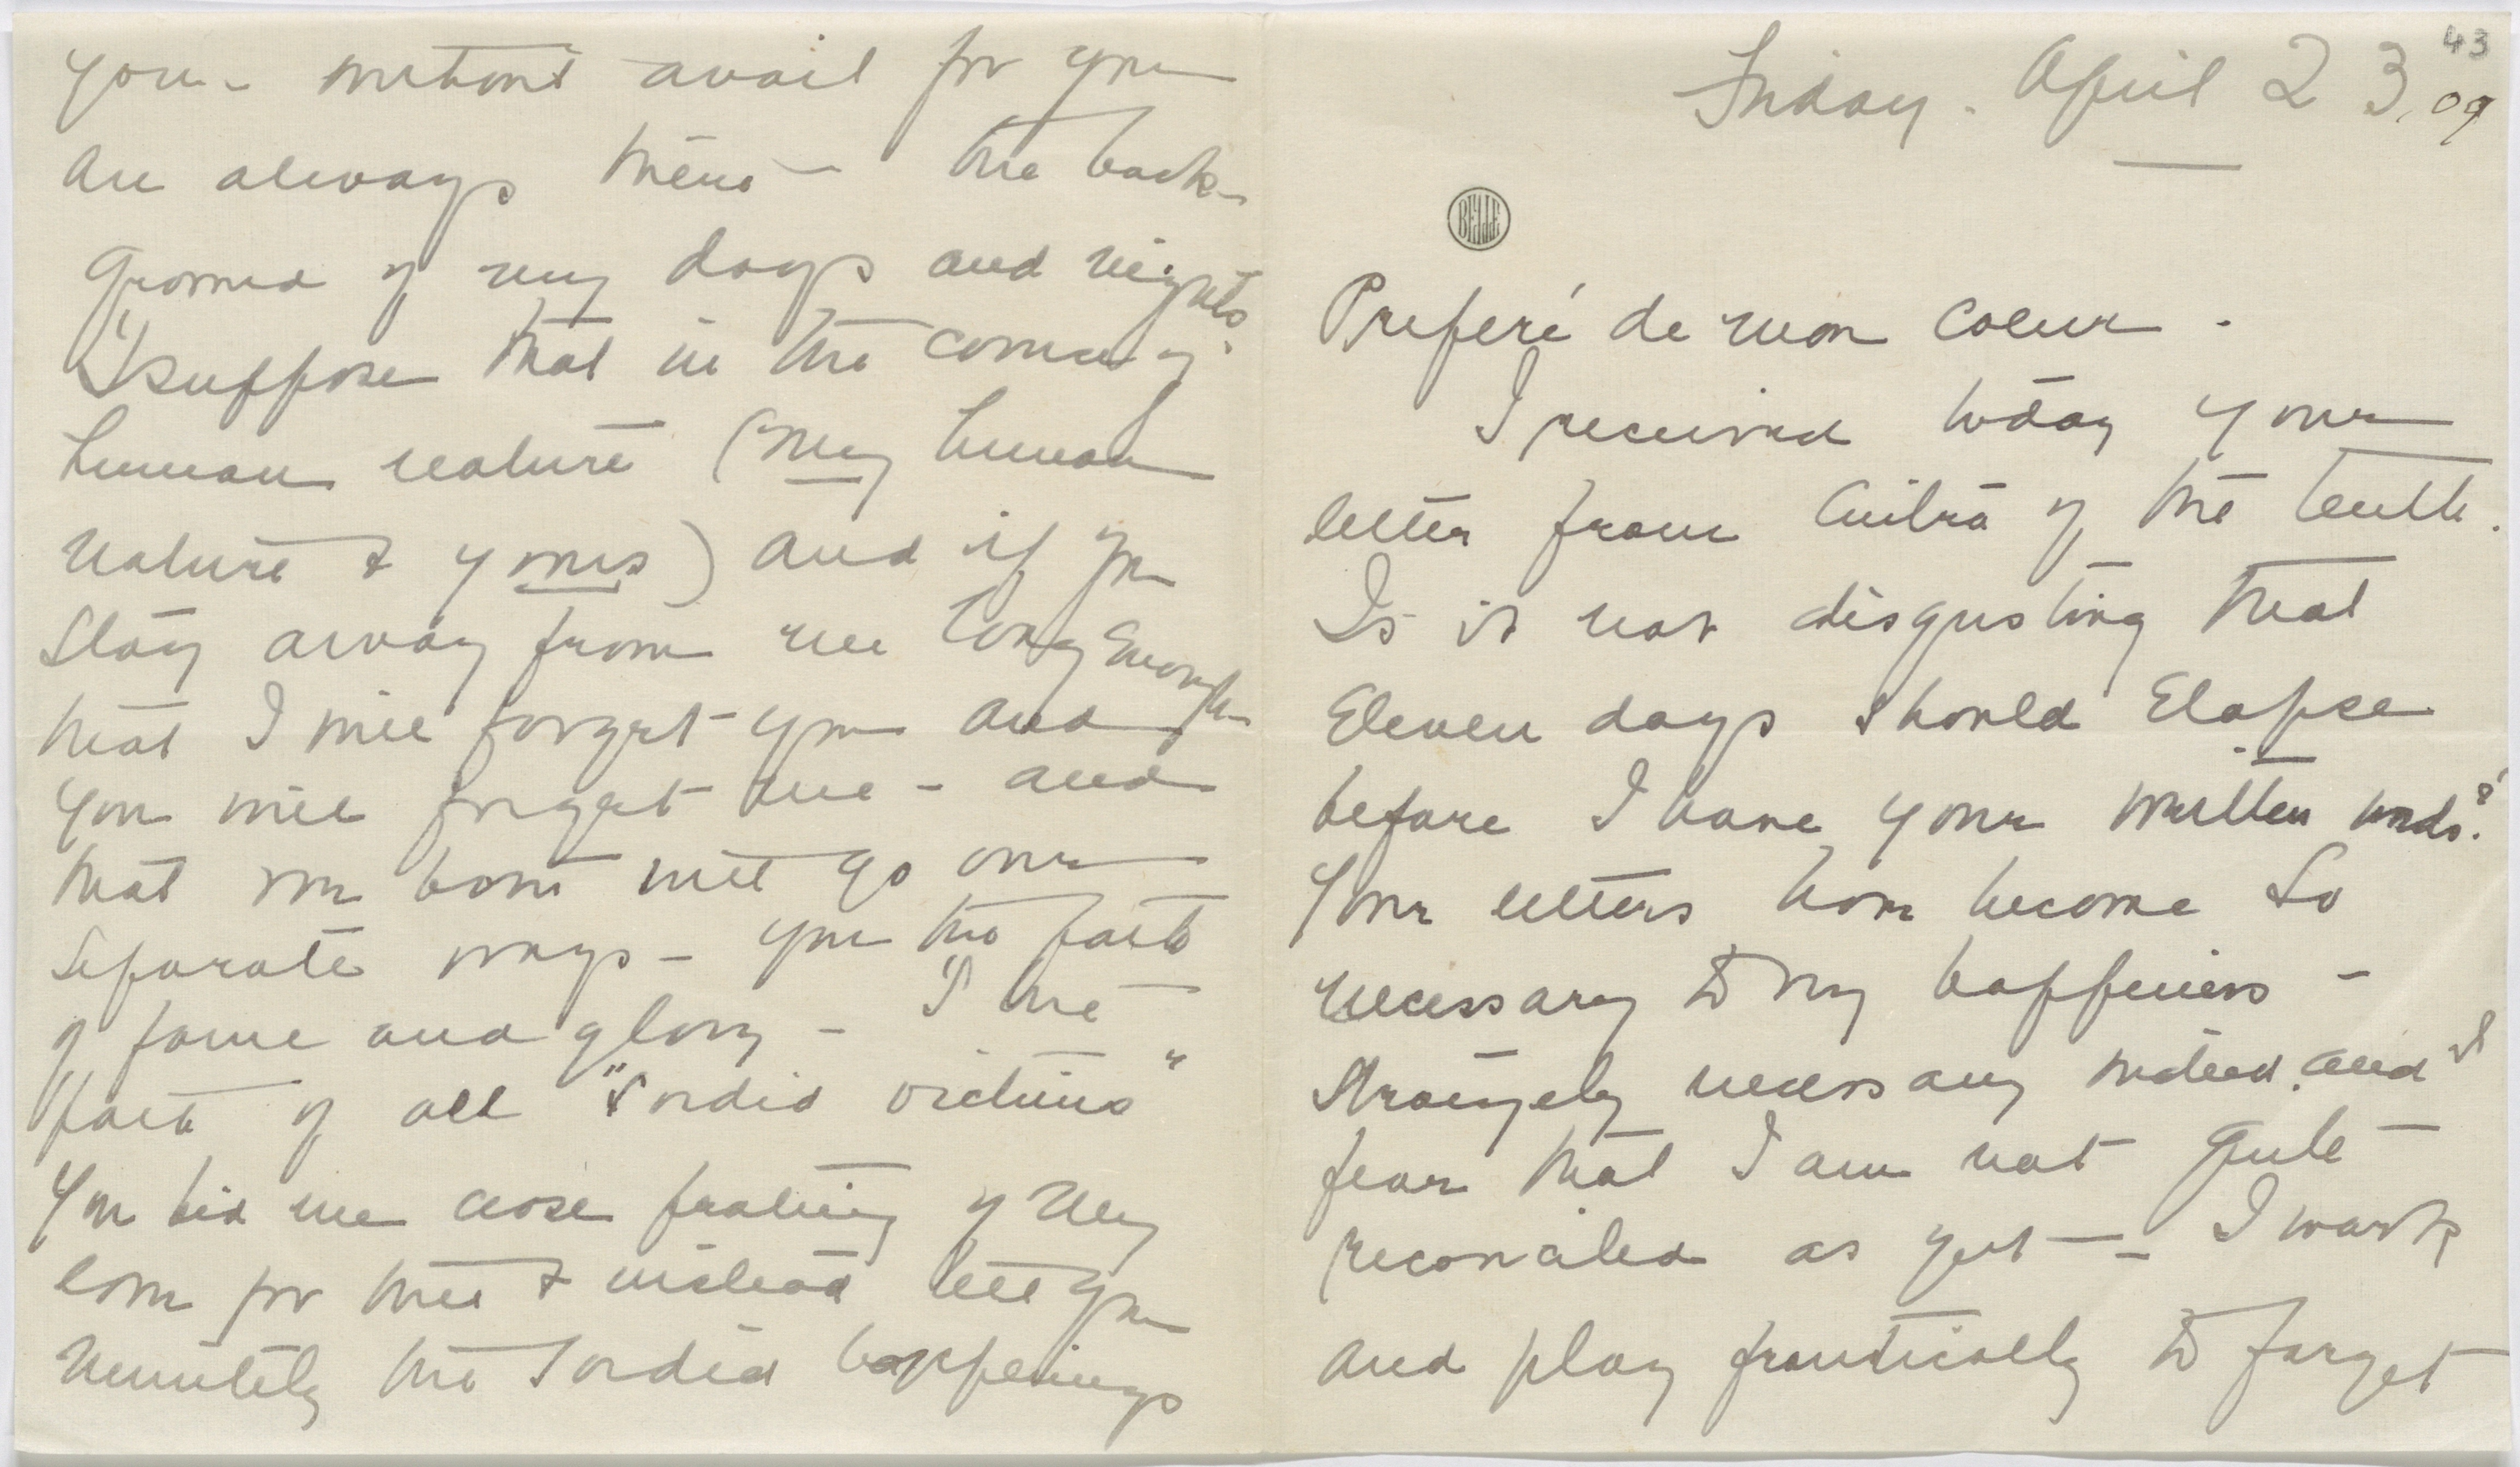Friday – April 23
Preferé de mon coeur –
I received today your letter from Cintra of the tenth. Is it not disgusting that eleven days should elapse before I have your written words? Your letters have become so necessary to my happiness – strangely necessary indeed and I fear that I am not quite reconciled as yet – I work and play frantically to forget
you – without avail for you are always there – the background of my days and nights. I suppose that in the course of human nature (my human nature & yours) and if you stay away from me long enough that I will forget you and you will forget me – and that we both will go our separate ways – you the path of fame and glory – I the path of all “sordid victims”
You bid me close prating of my love for thee & instead tell you minutely the sordid happenings